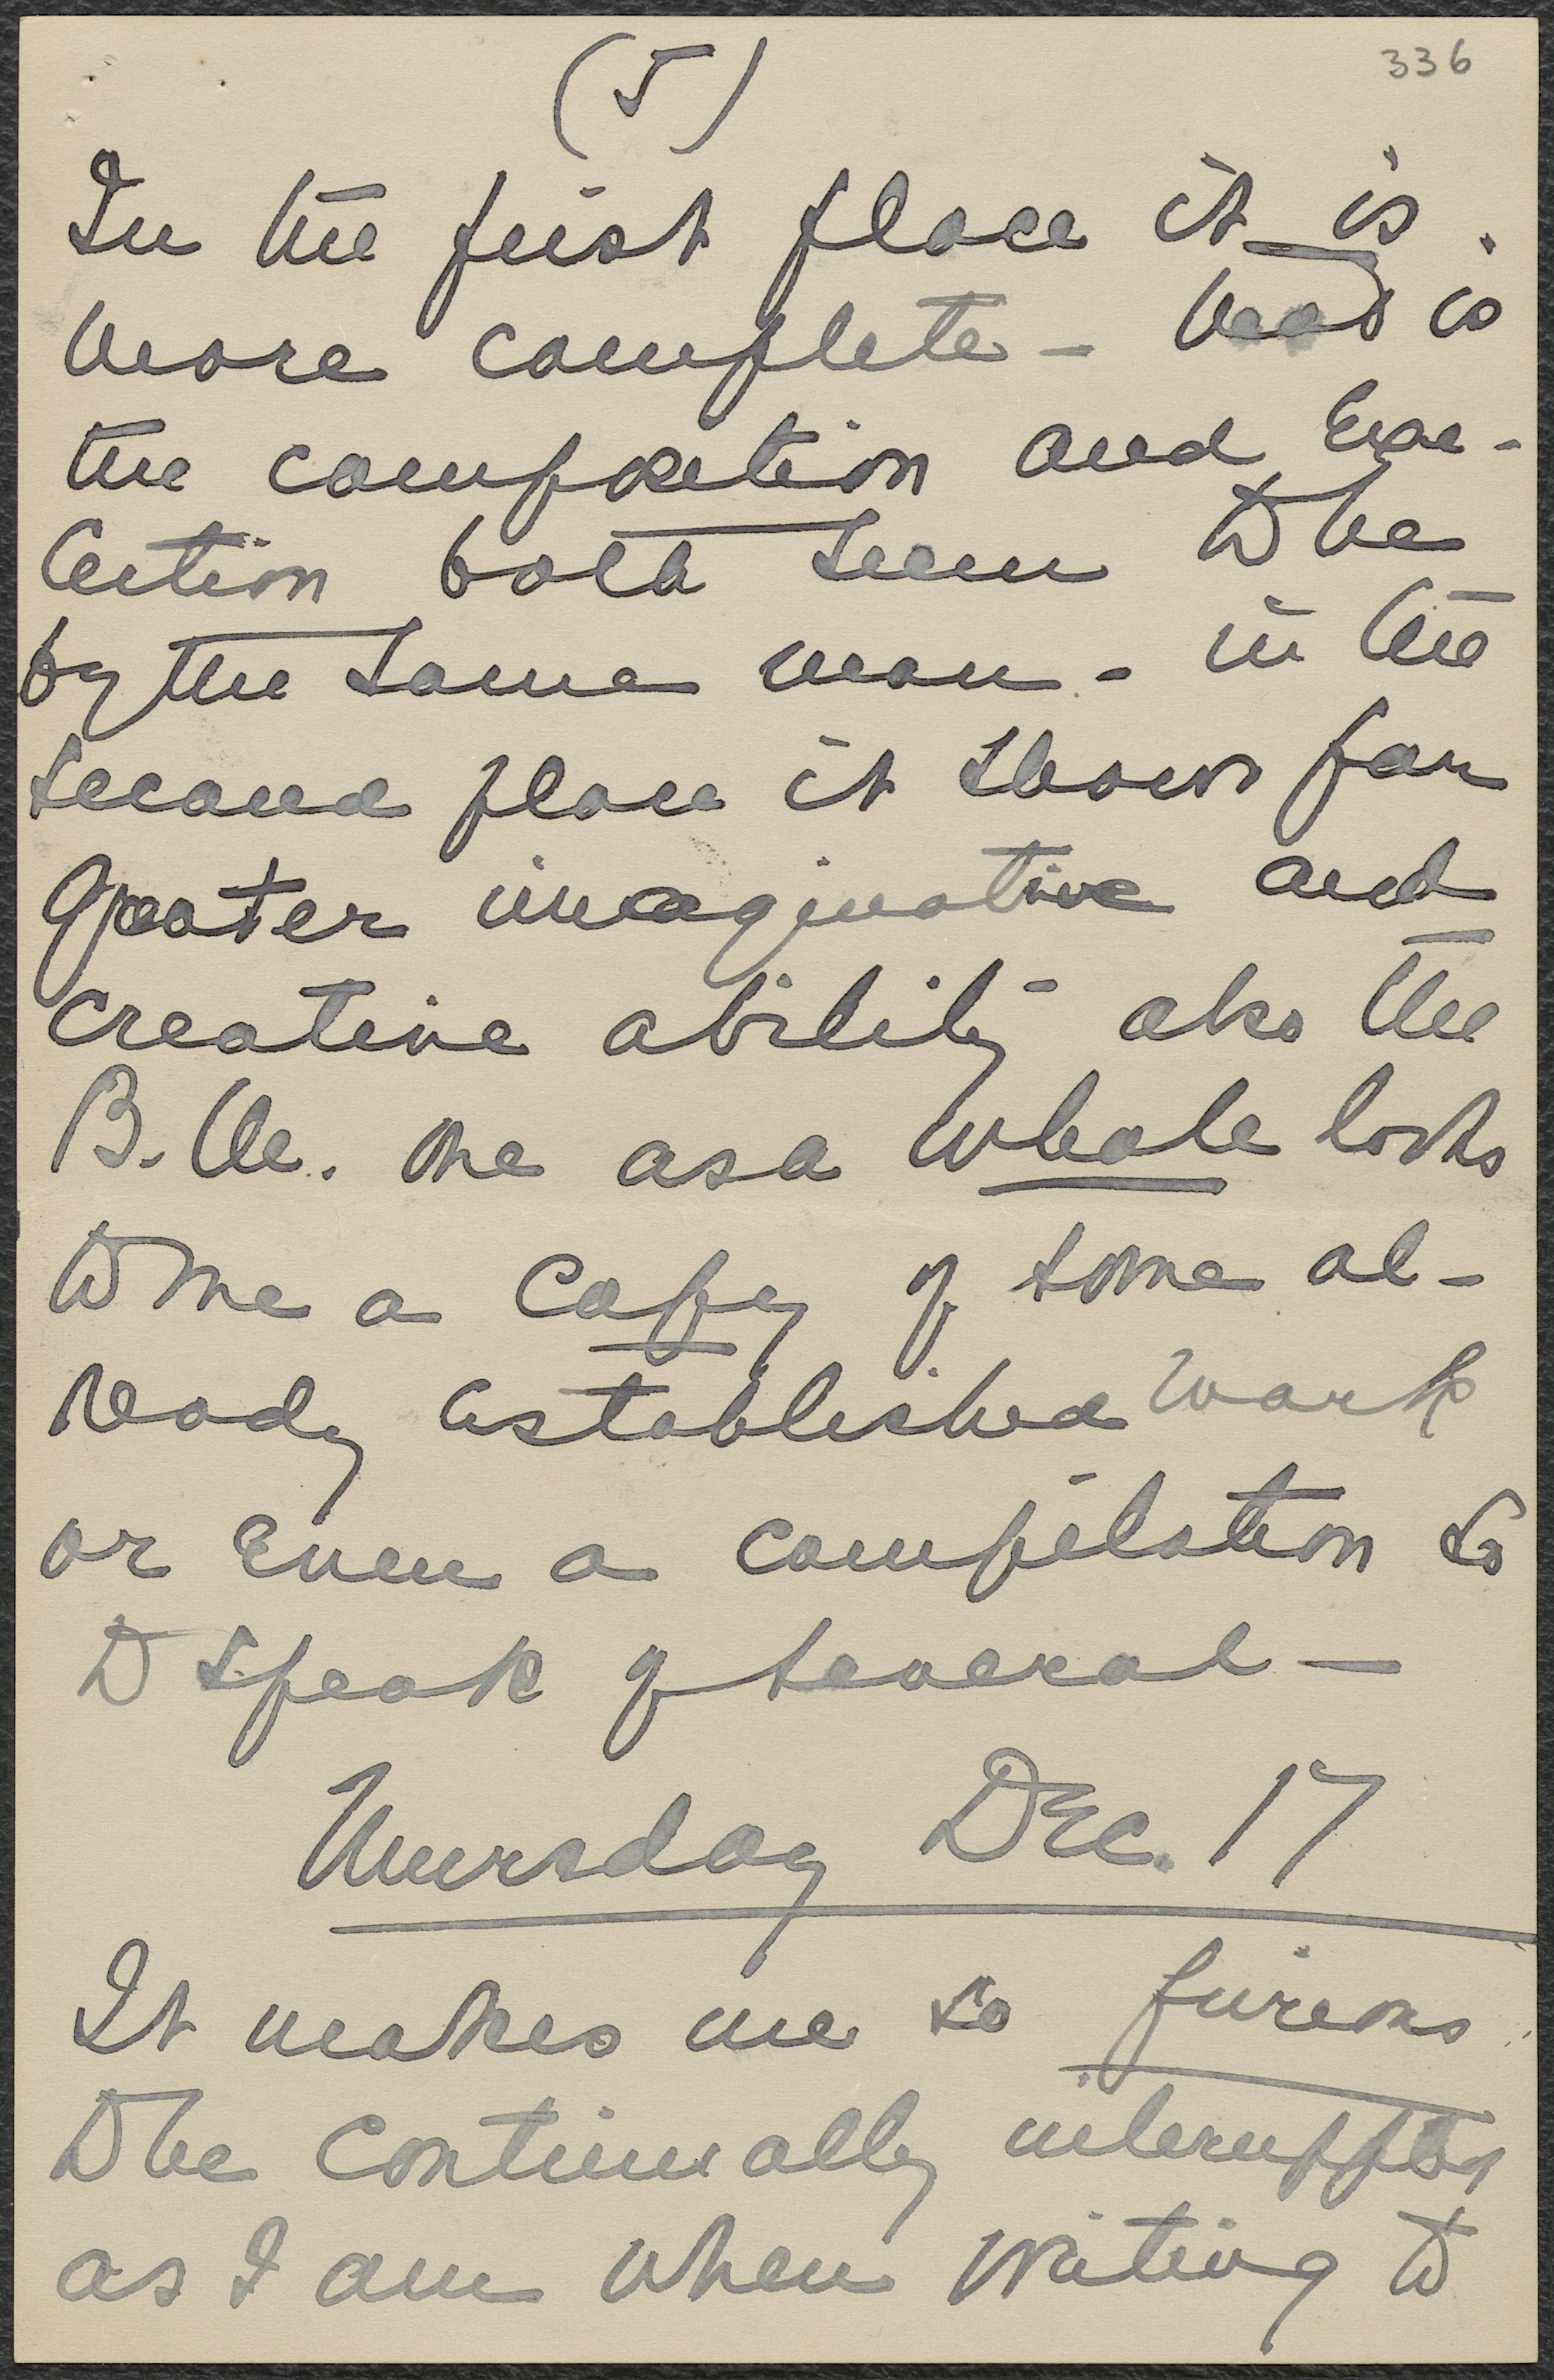(5)
In the first place it is more complete – that is the composition and execution both seem to be by the same man – in the second place it shows far greater imaginative and creative ability also the B.M. one as a whole looks to me a copy of some already established work or even a compilation so to speak of several –
Thursday Dec. 17
I makes me so furious to be continually interrupted as I am when writing to